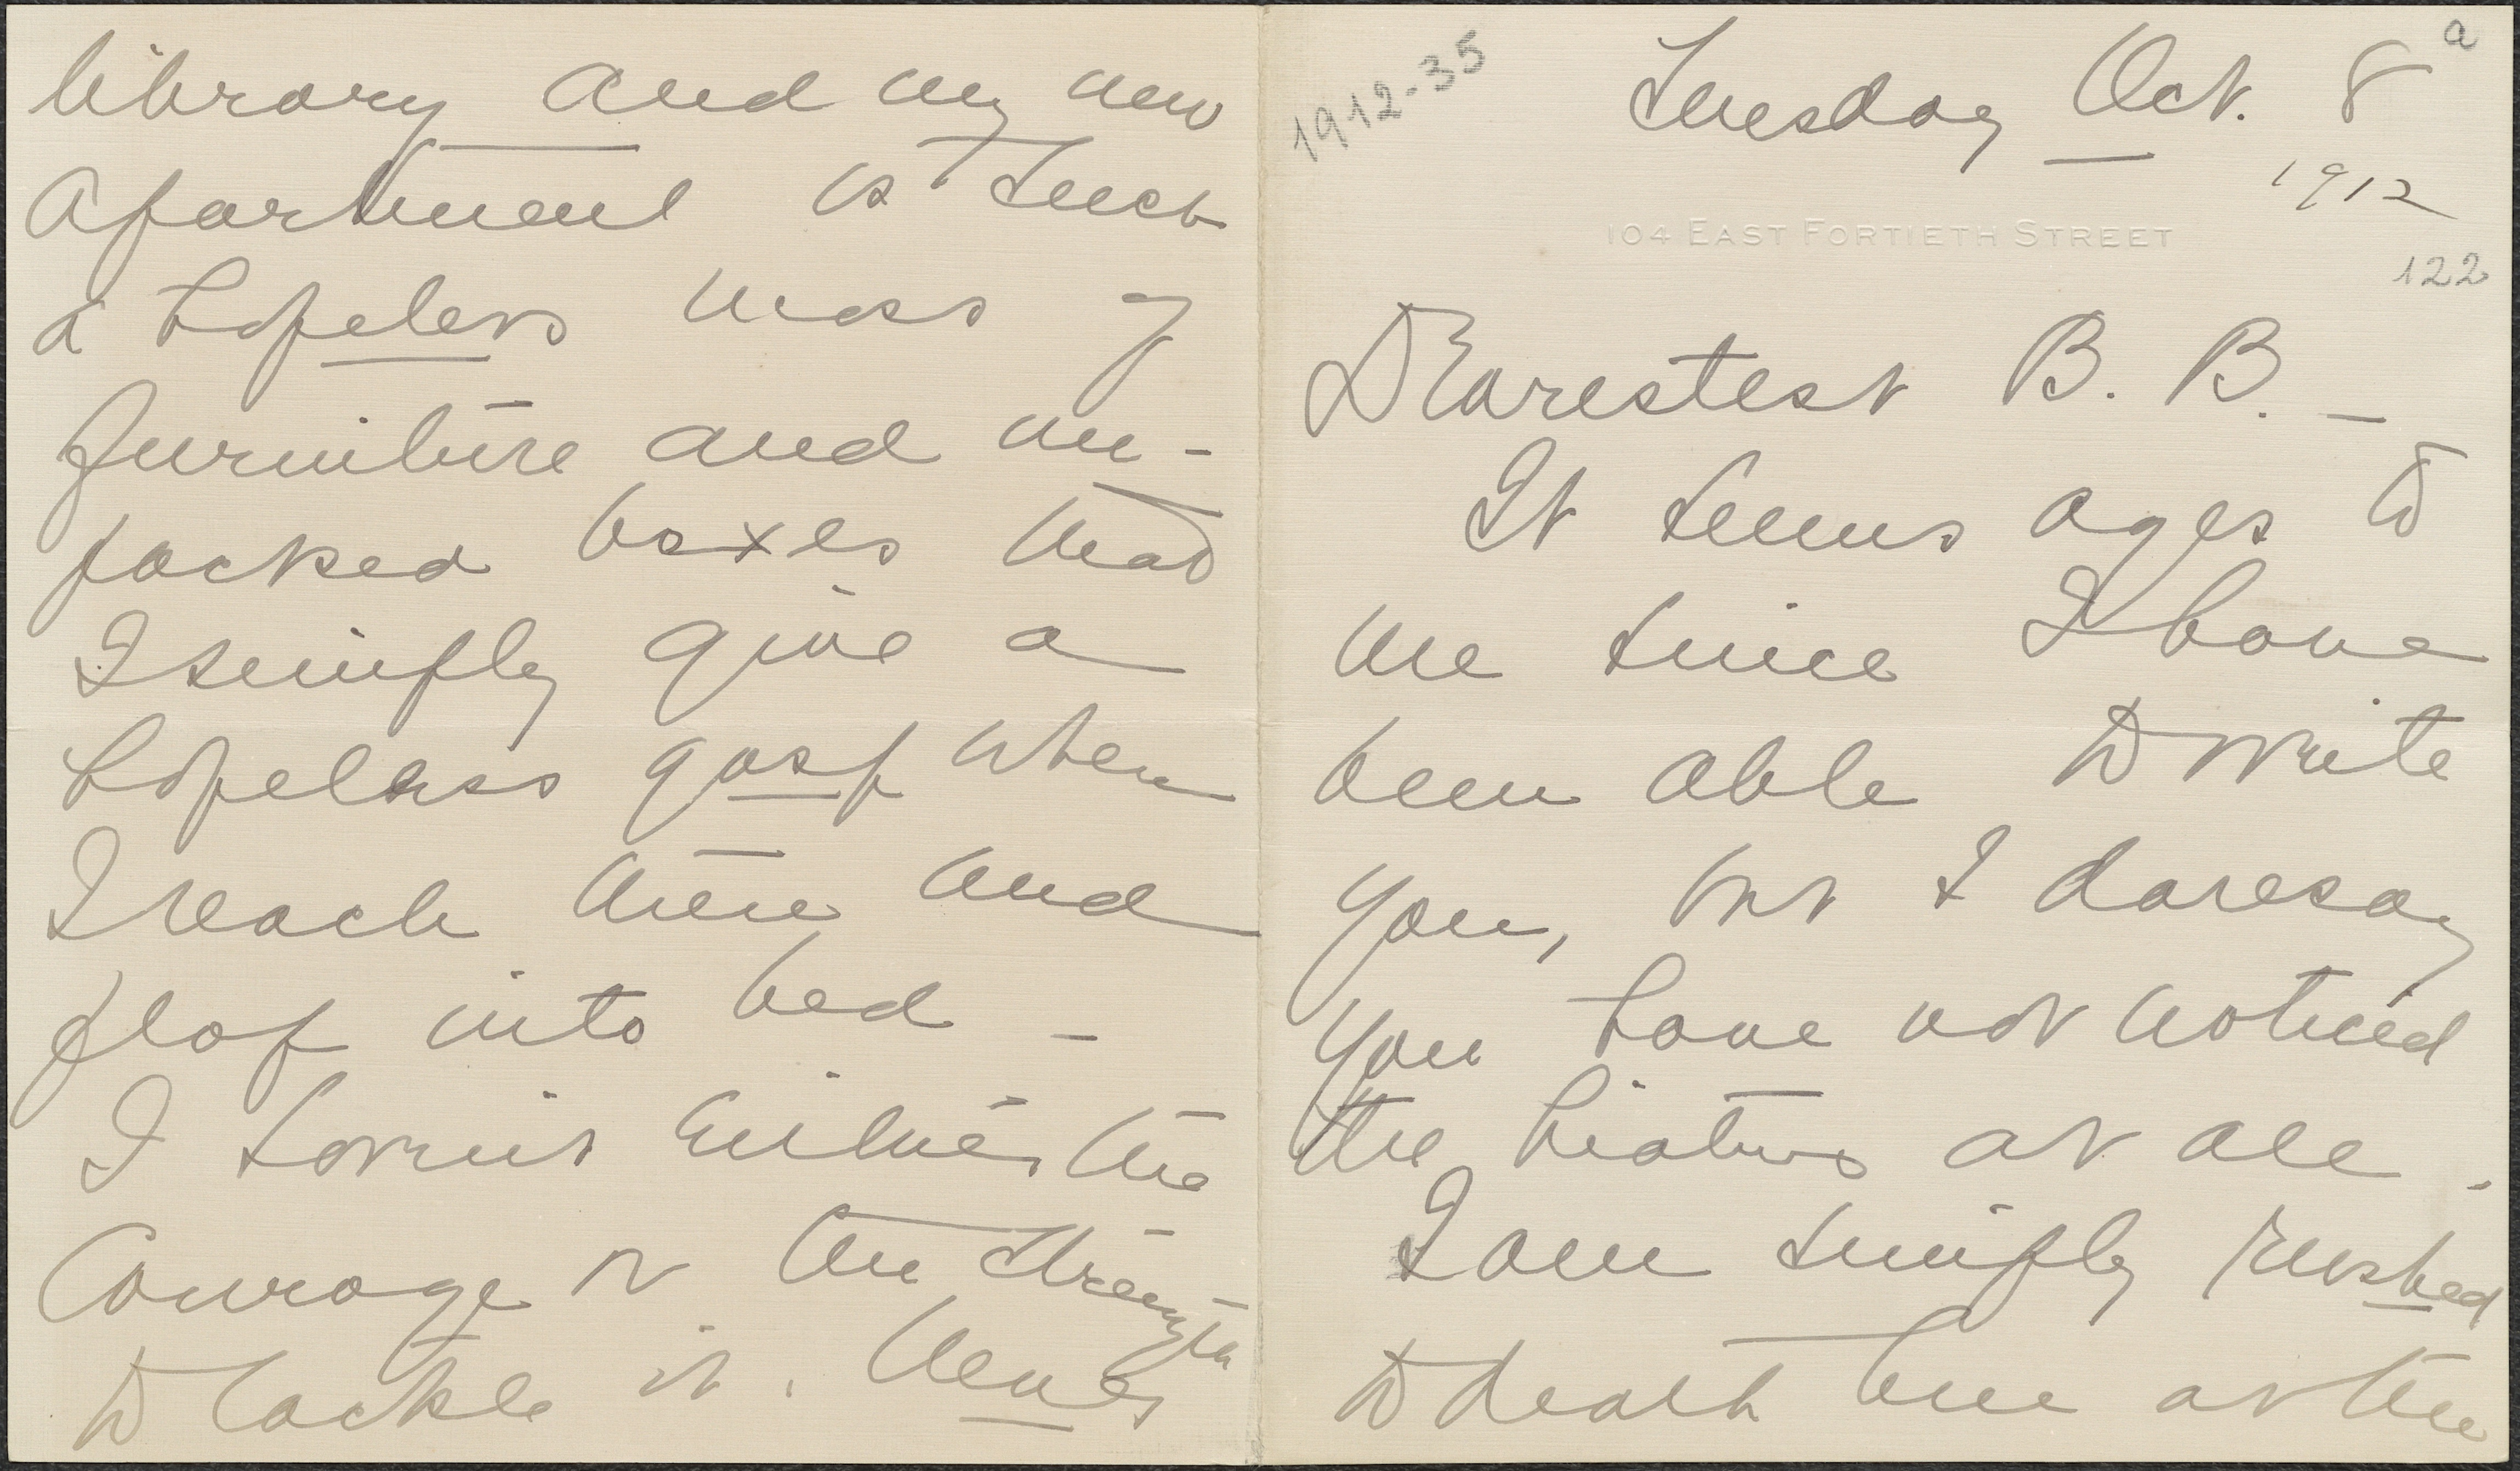Tuesday Oct. 8
Dearestest B. B. –
It seems ages to me since I have been able to write you, but I daresay you have not noticed the hiatus at all. I am simply rushed to death here at the
library and my new apartment is such a hopeless mess of furniture and unpacked boxed that I simply give a hopeless gasp when I reach there and plop into bed –
I haven’t either the courage or the strength to tackle it. Never